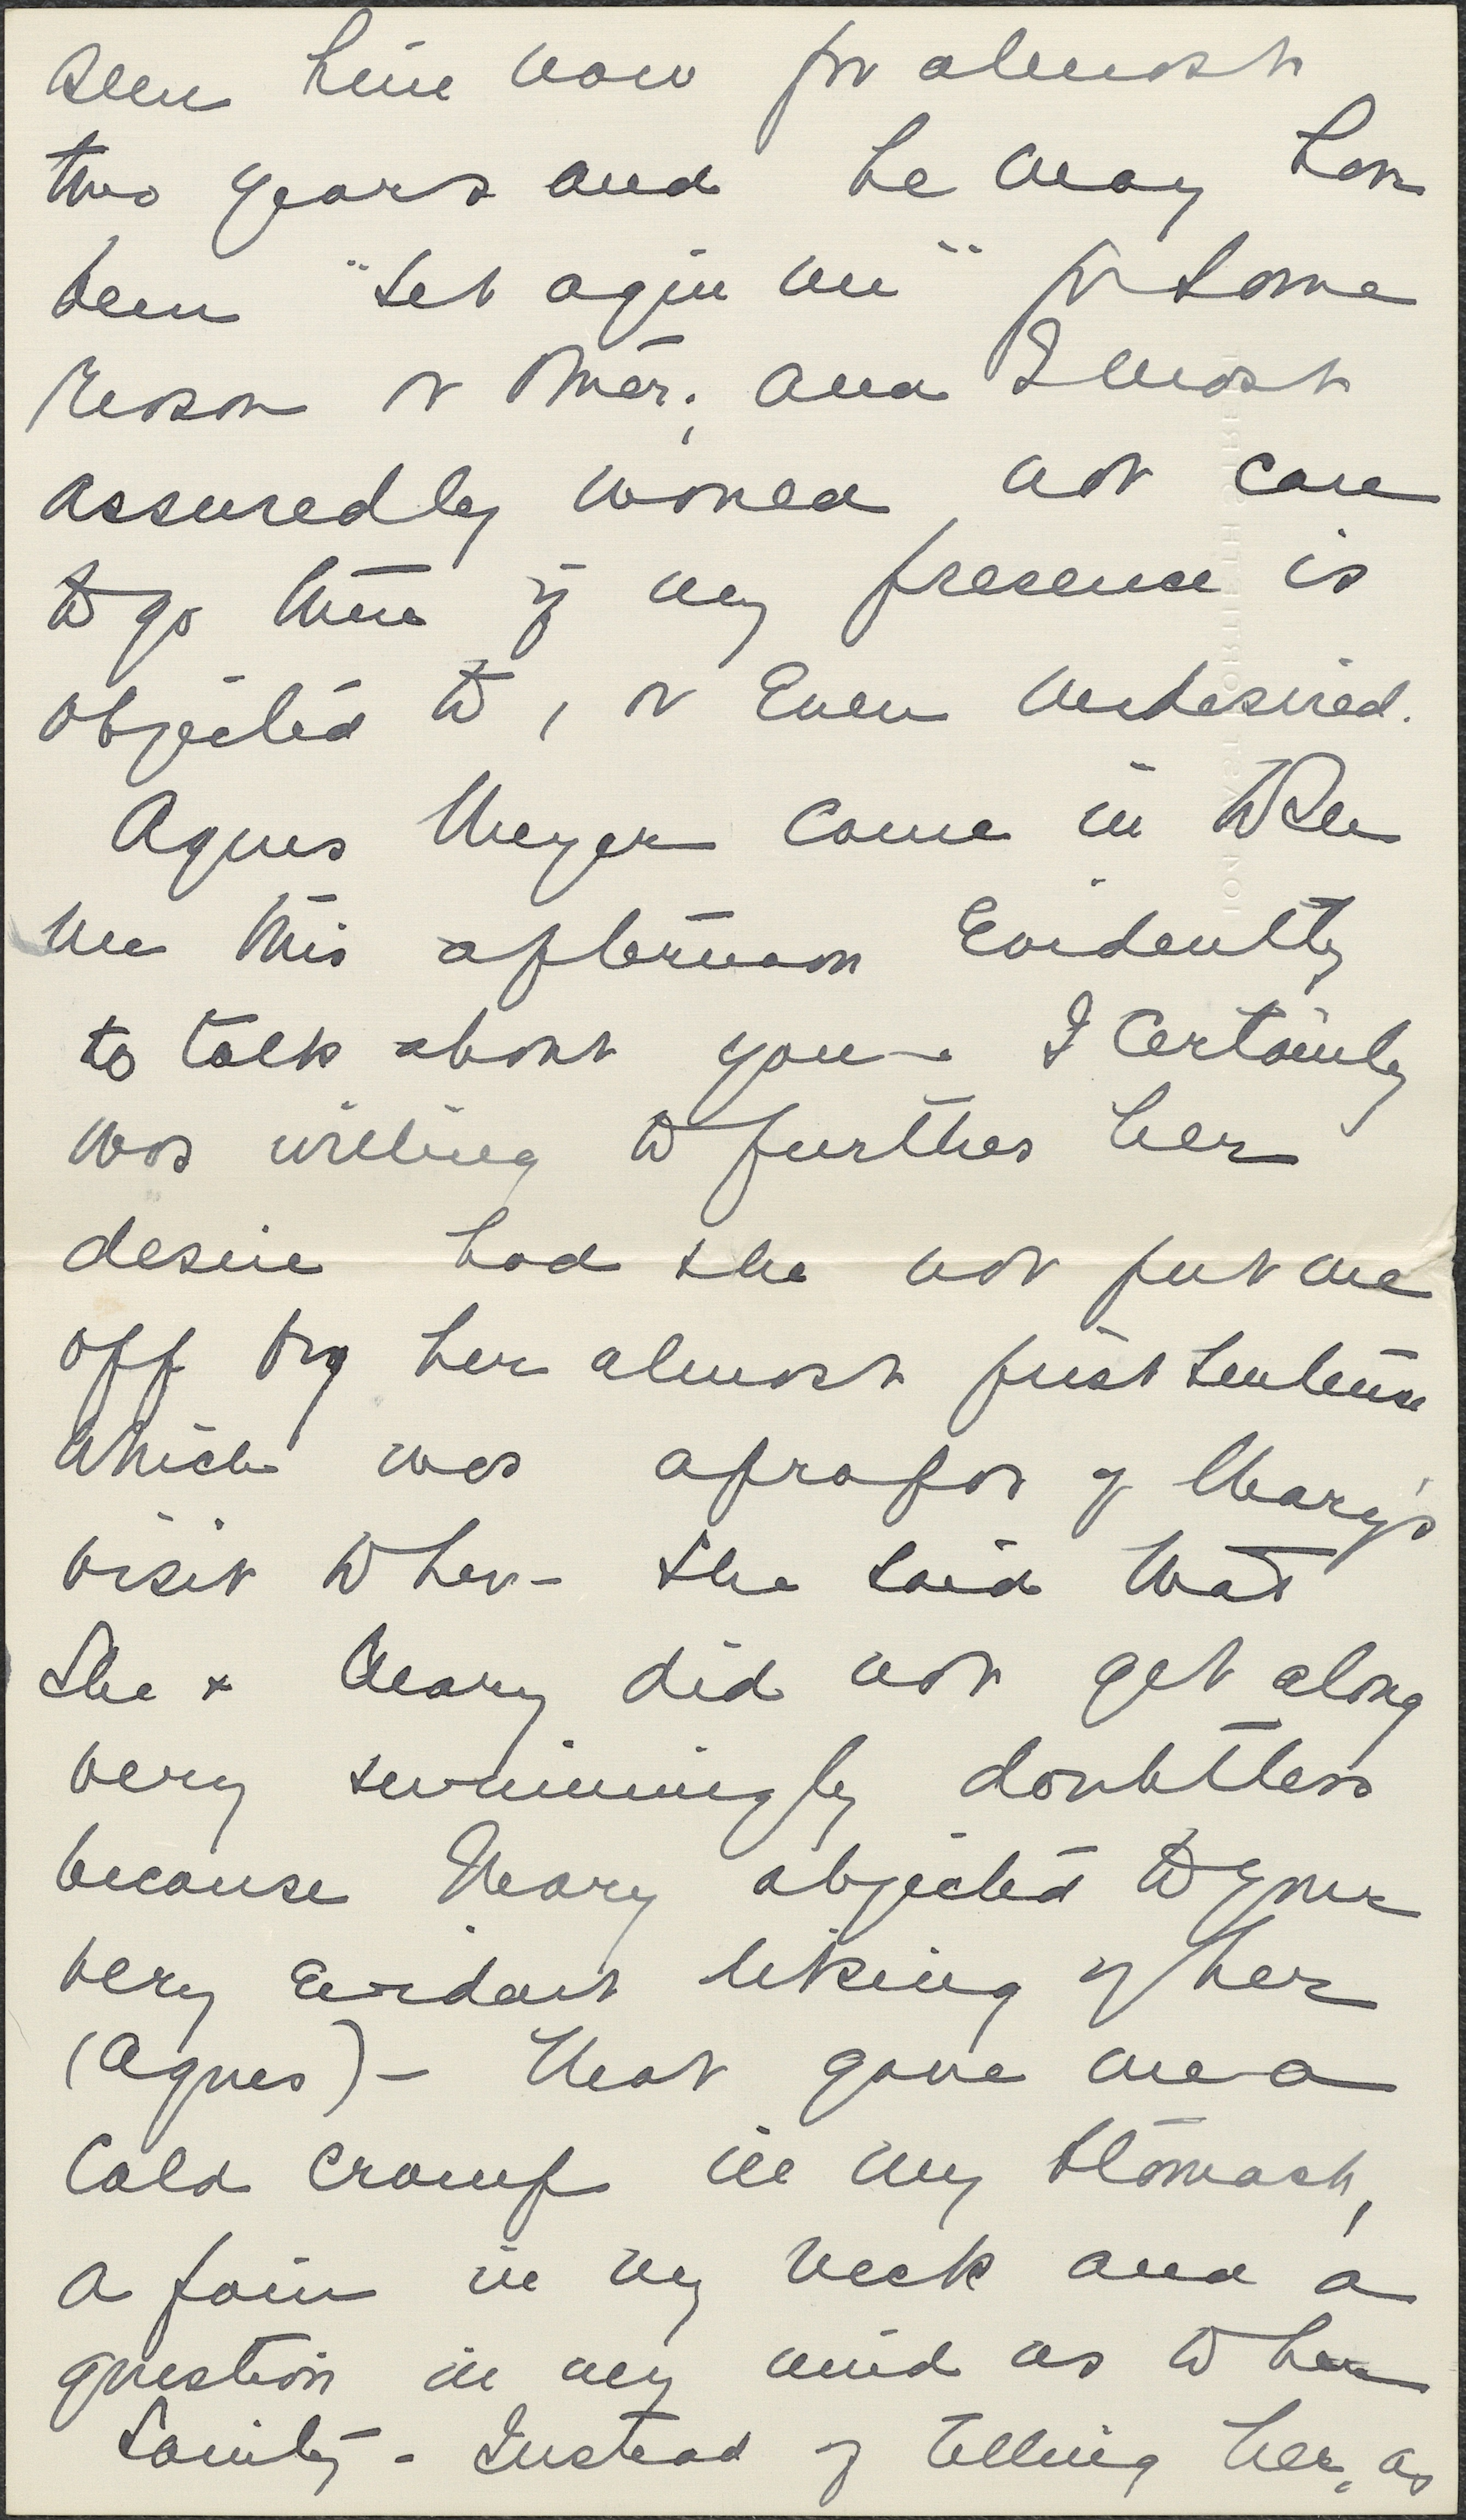seen him now for almost two years and he may have been “set agin me” for some reason or other; and I most assuredly would not care to go there if my presence is objected to, or even undesired.
Agnes Meyer came in to see me this afternoon evidently to talk about you – I certainly was willing to further her desire had she not put me off by her almost first sentence which was apropos of Mary’s visit to her – She said that She & Mary did not get along very swimmingly doubtless because Mary objected to your very evident liking of her (Agnes) – that gave me a cold cramp in my stomach, a pain in my neck and a question in my mind as to her sanity – Instead of telling her, as